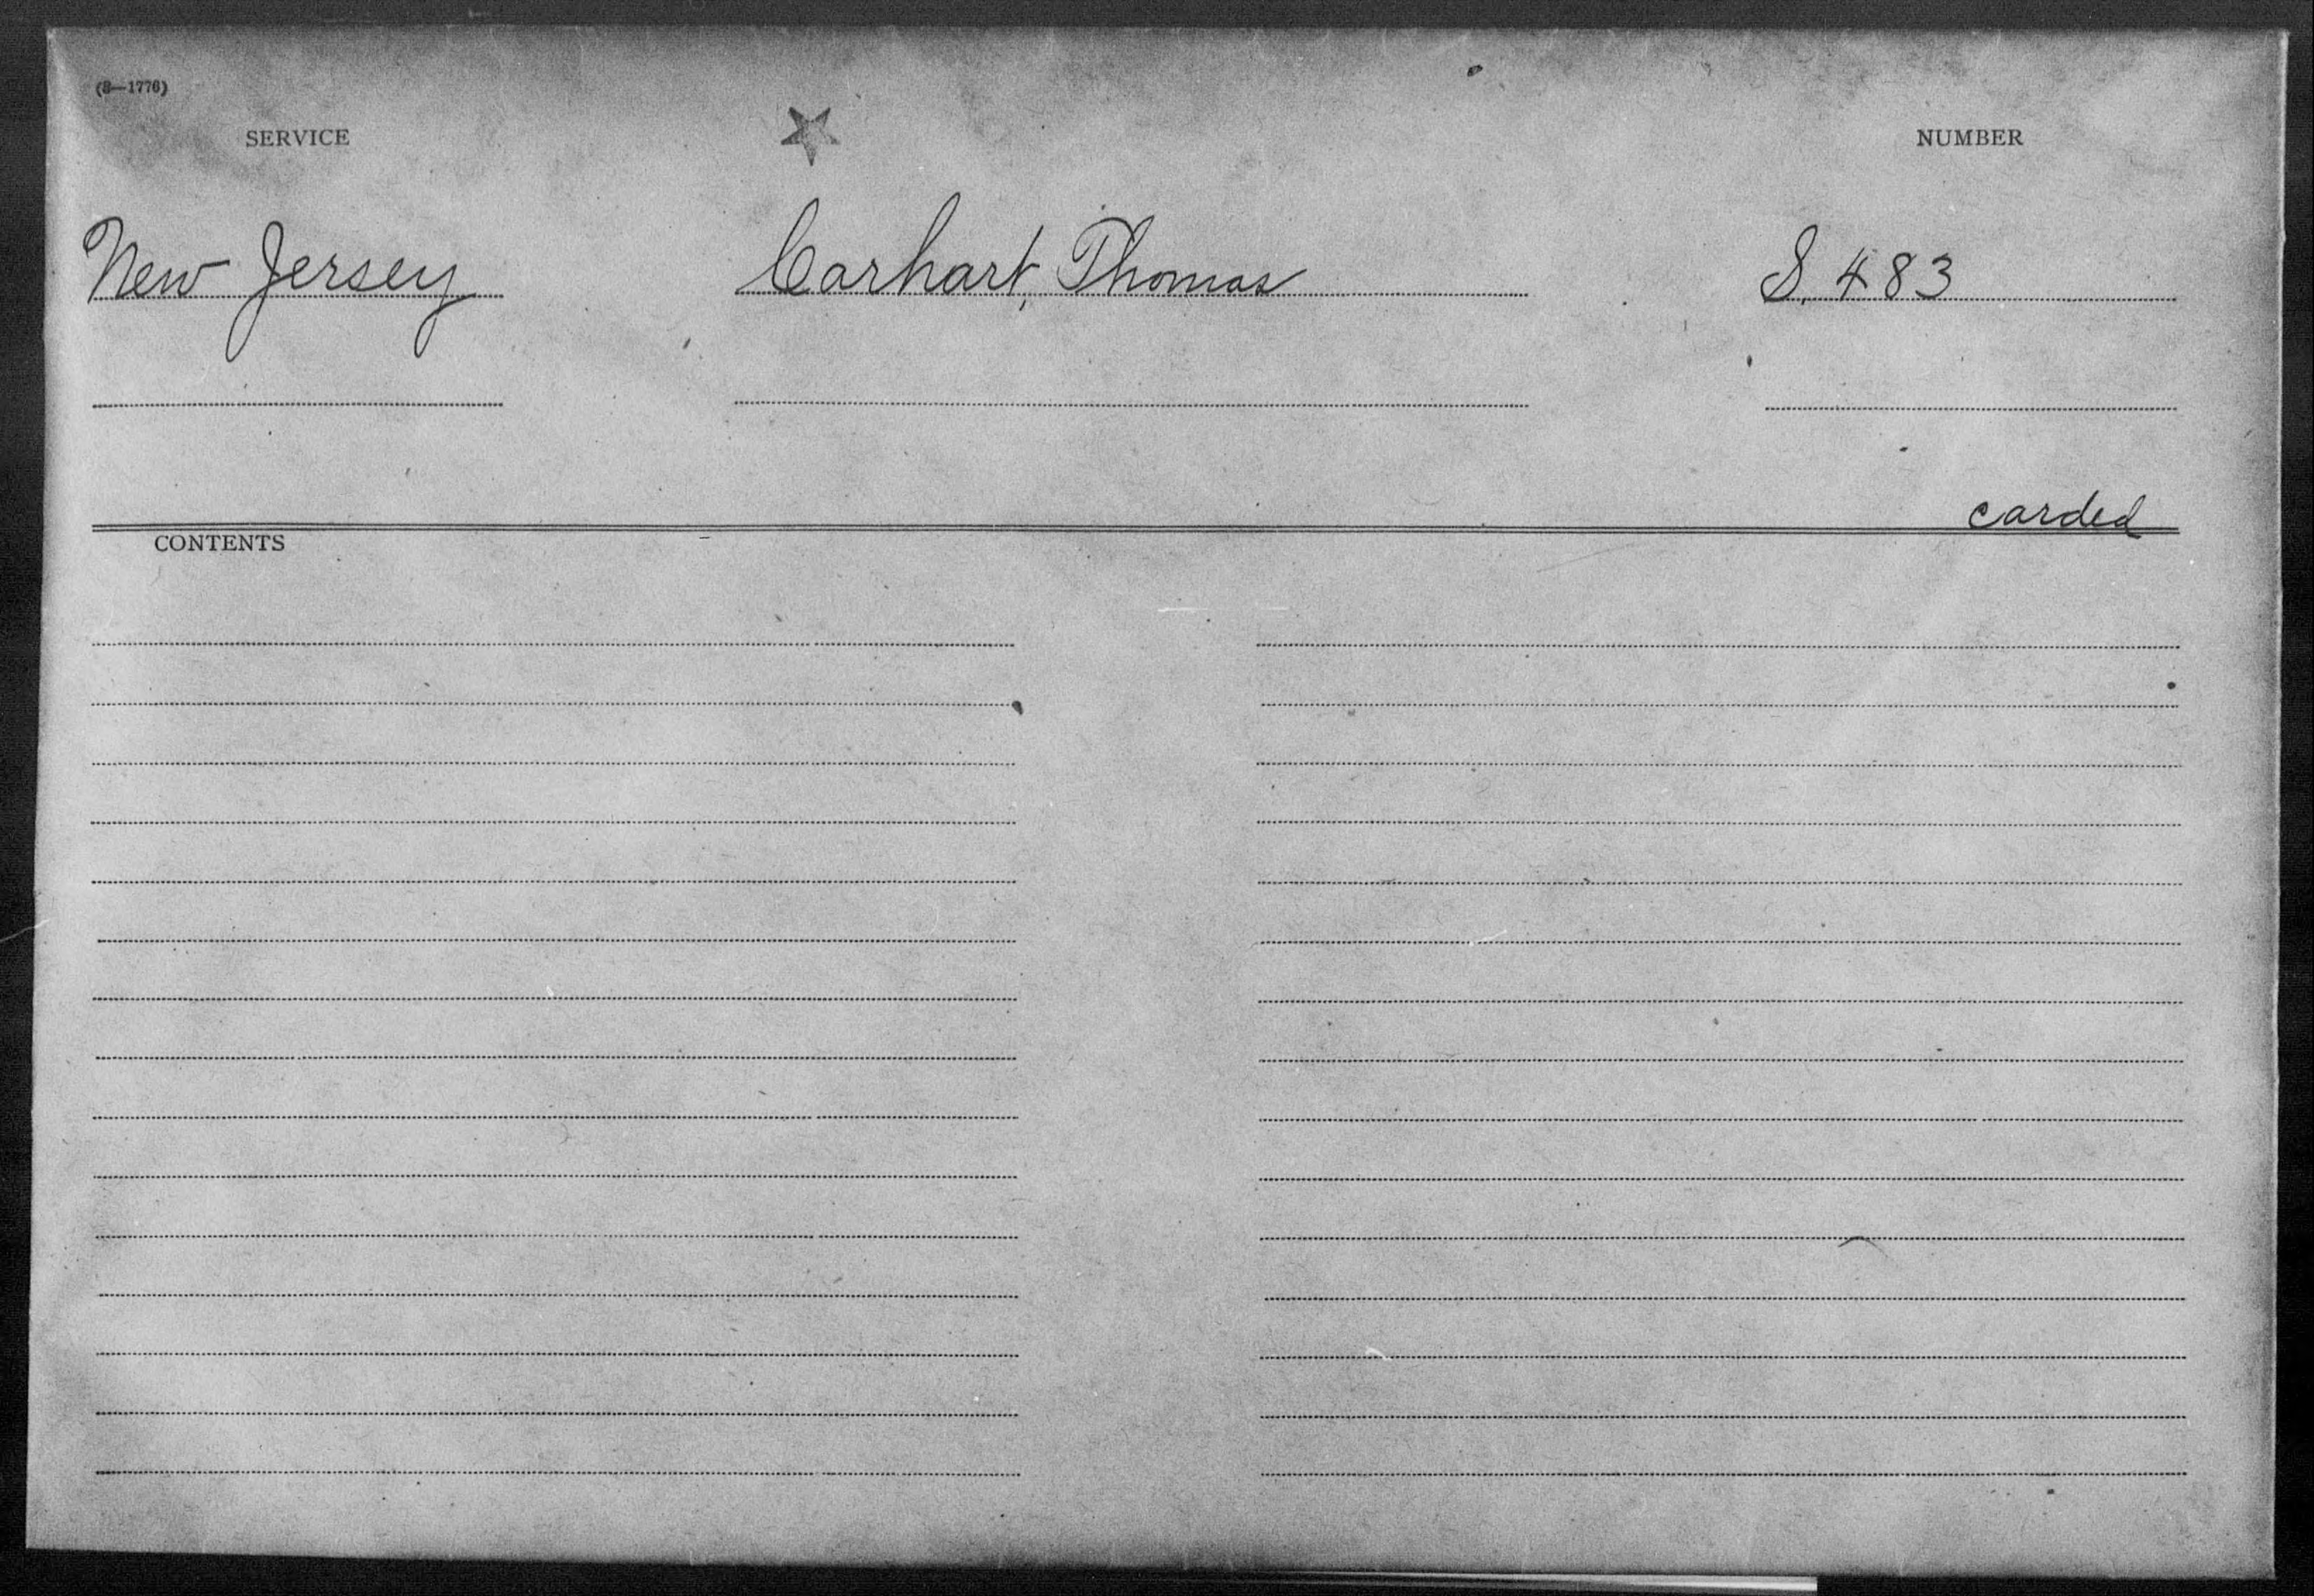New Jersey     Carhart, Thomas     S483
                                                       carded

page: 1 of 7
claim: survivor's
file: S. 483, Thomas Carhart, New Jersey